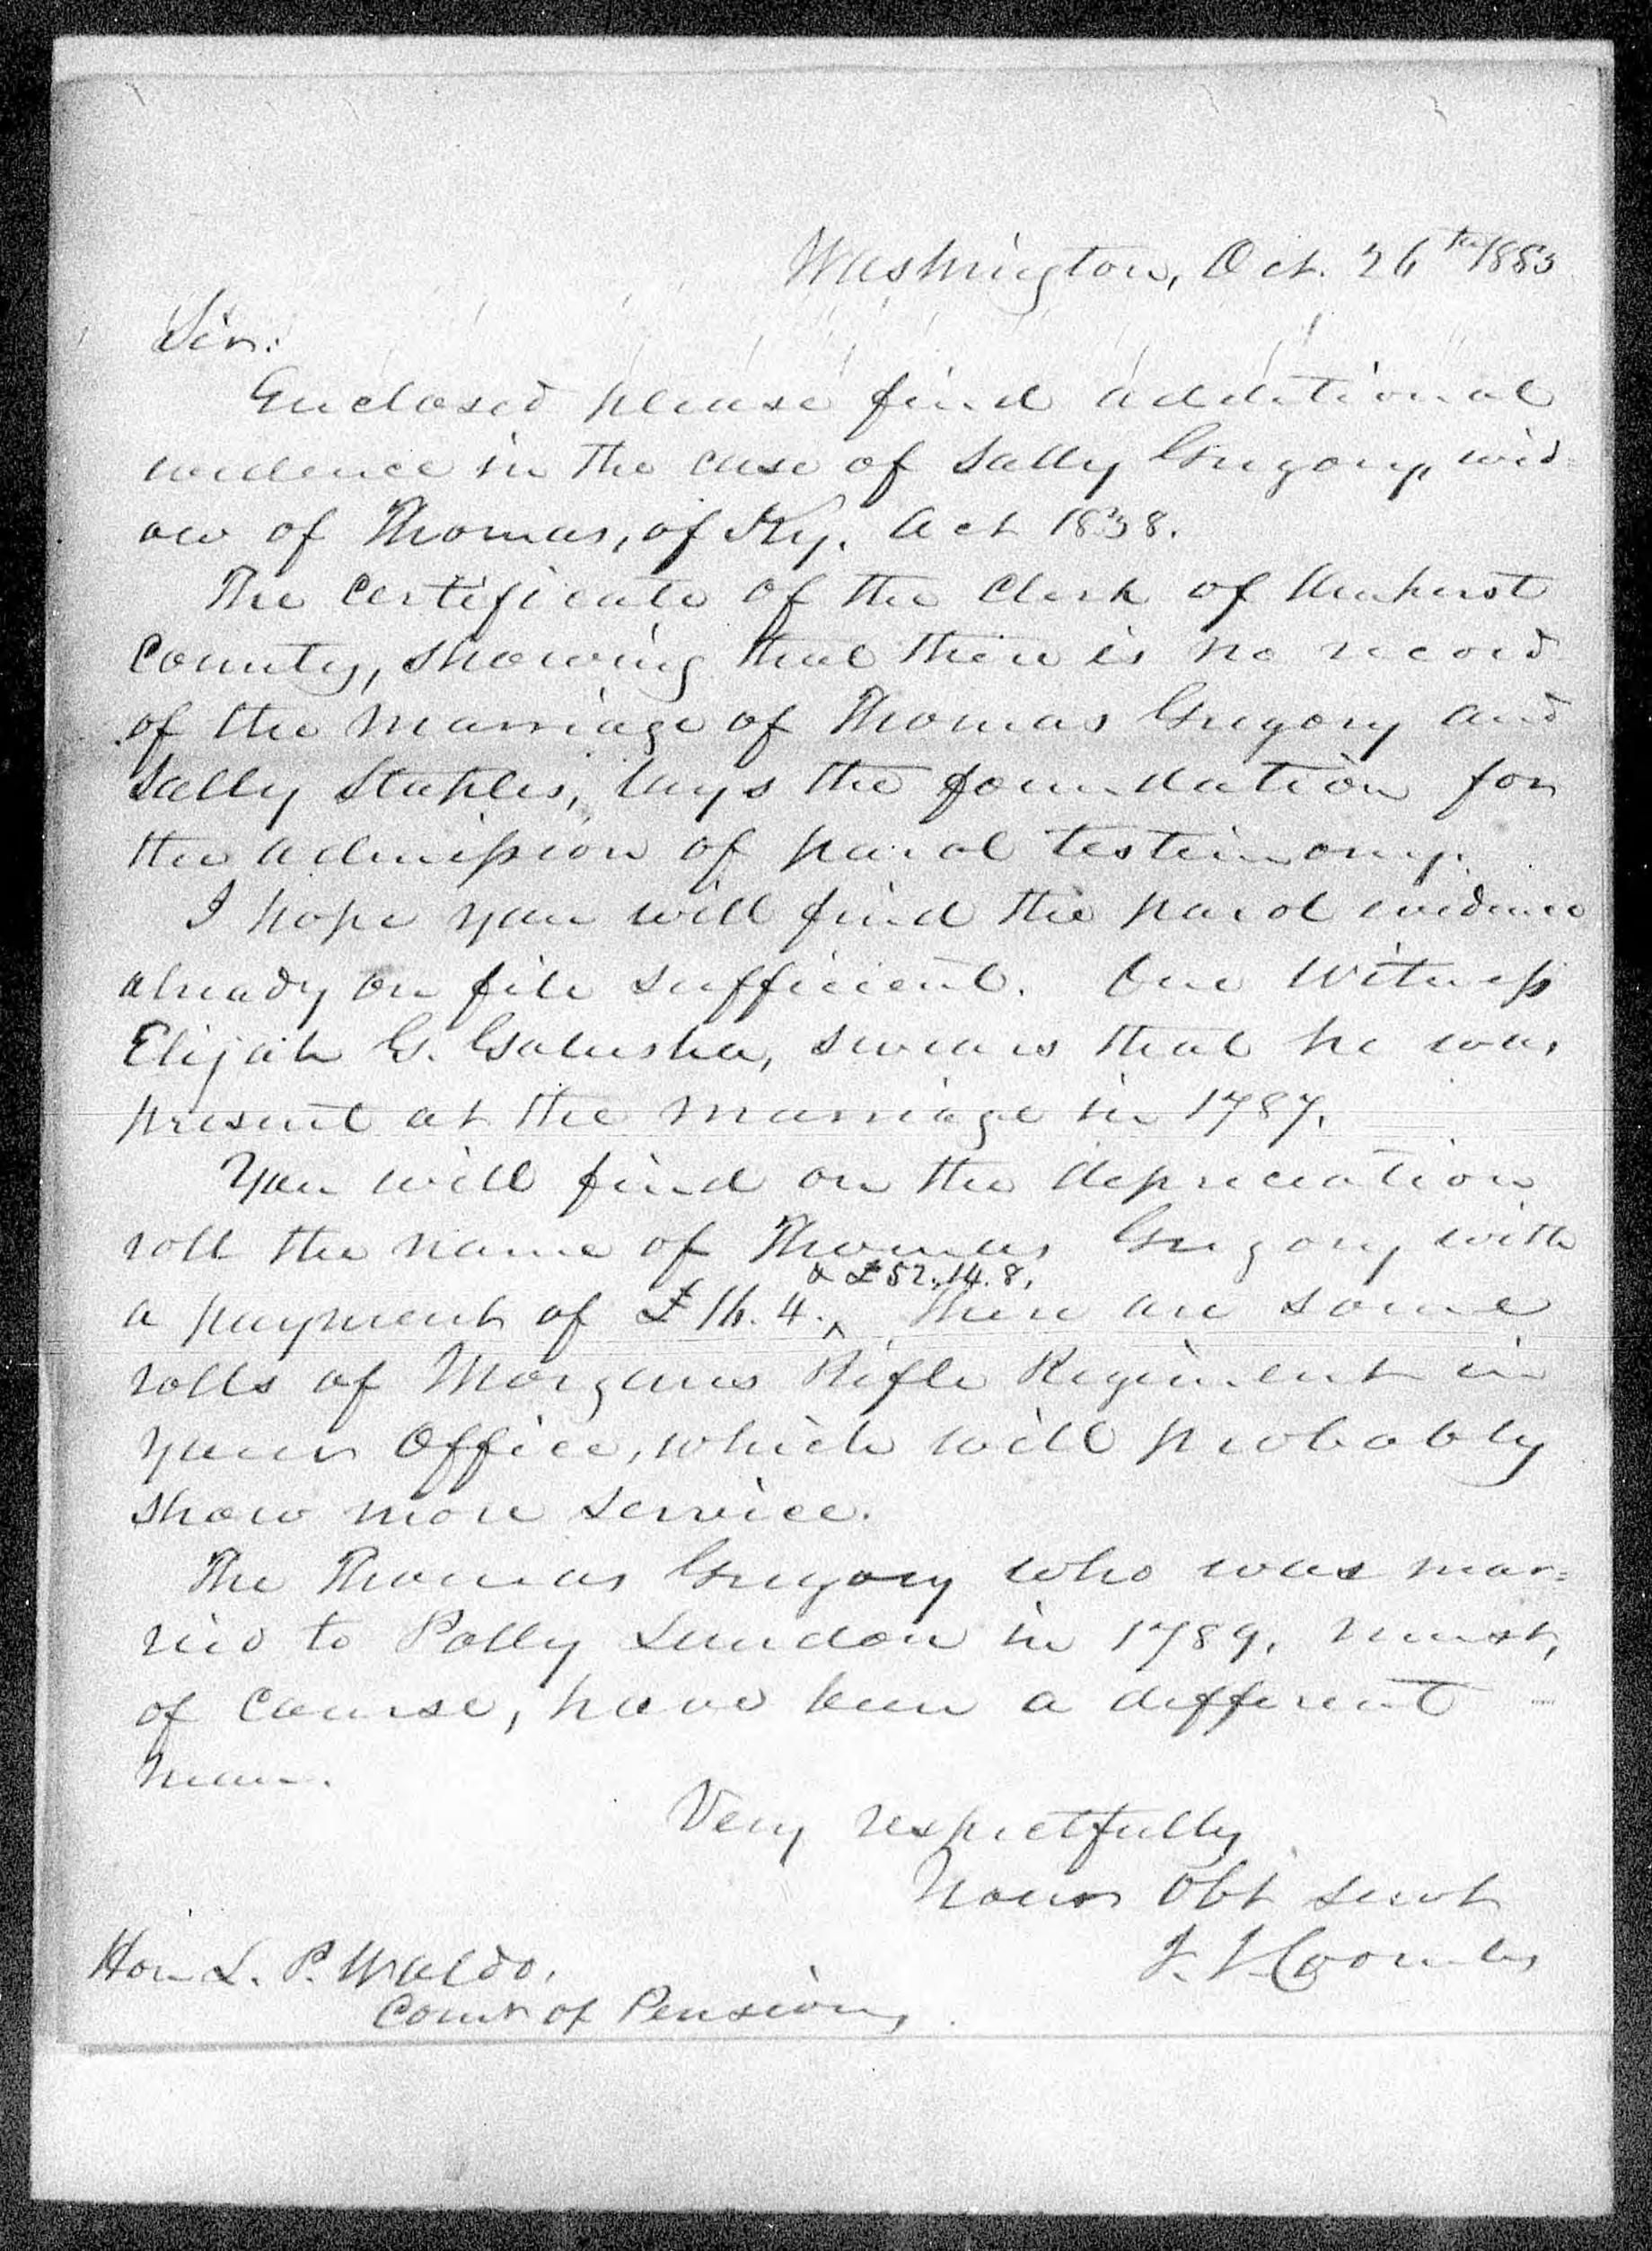Washington, Oct. 26th 1853
Sir:
Enclosed please find additional evidence in the case of Sally Gregory widow of Thomas, of Ky. Act 1838.
The certificate of the clerk of Amherst County, showing that there is no record of the marriage of Thomas Gregory and Sally Staples, lays the foundation for the admission of parol testimony.
I hope you will find the parol evidence already on file sufficient.  One witness Elijah G. Galusha, swears that he was present at the marriage in 1787.
You will find on the depreciation roll the name of Thomas Gregory with a payment of £16.4 & £52.14.8.  There are some rolls of Morgans Rifle Regiment in your office, which will probably show more service.
The Thomas Gregory who was married to Polly Lundon in 1789, must, of course, have been a different person.
Very respectfully
Your obt Servt
J. J. Coombs

Hon L. P. Waldo,
Com'r of Pensions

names: J J Coombs, Polly Lundon, Thomas Gregory, Thomas Gregory, L P Waldo, Sally Gregory, Thomas Gregory, Sally Staples, Thomas Gregory, Elijah G Galusha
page: 42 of 75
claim: widow's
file: W. 8876, Thomas Gregory, Continental Va